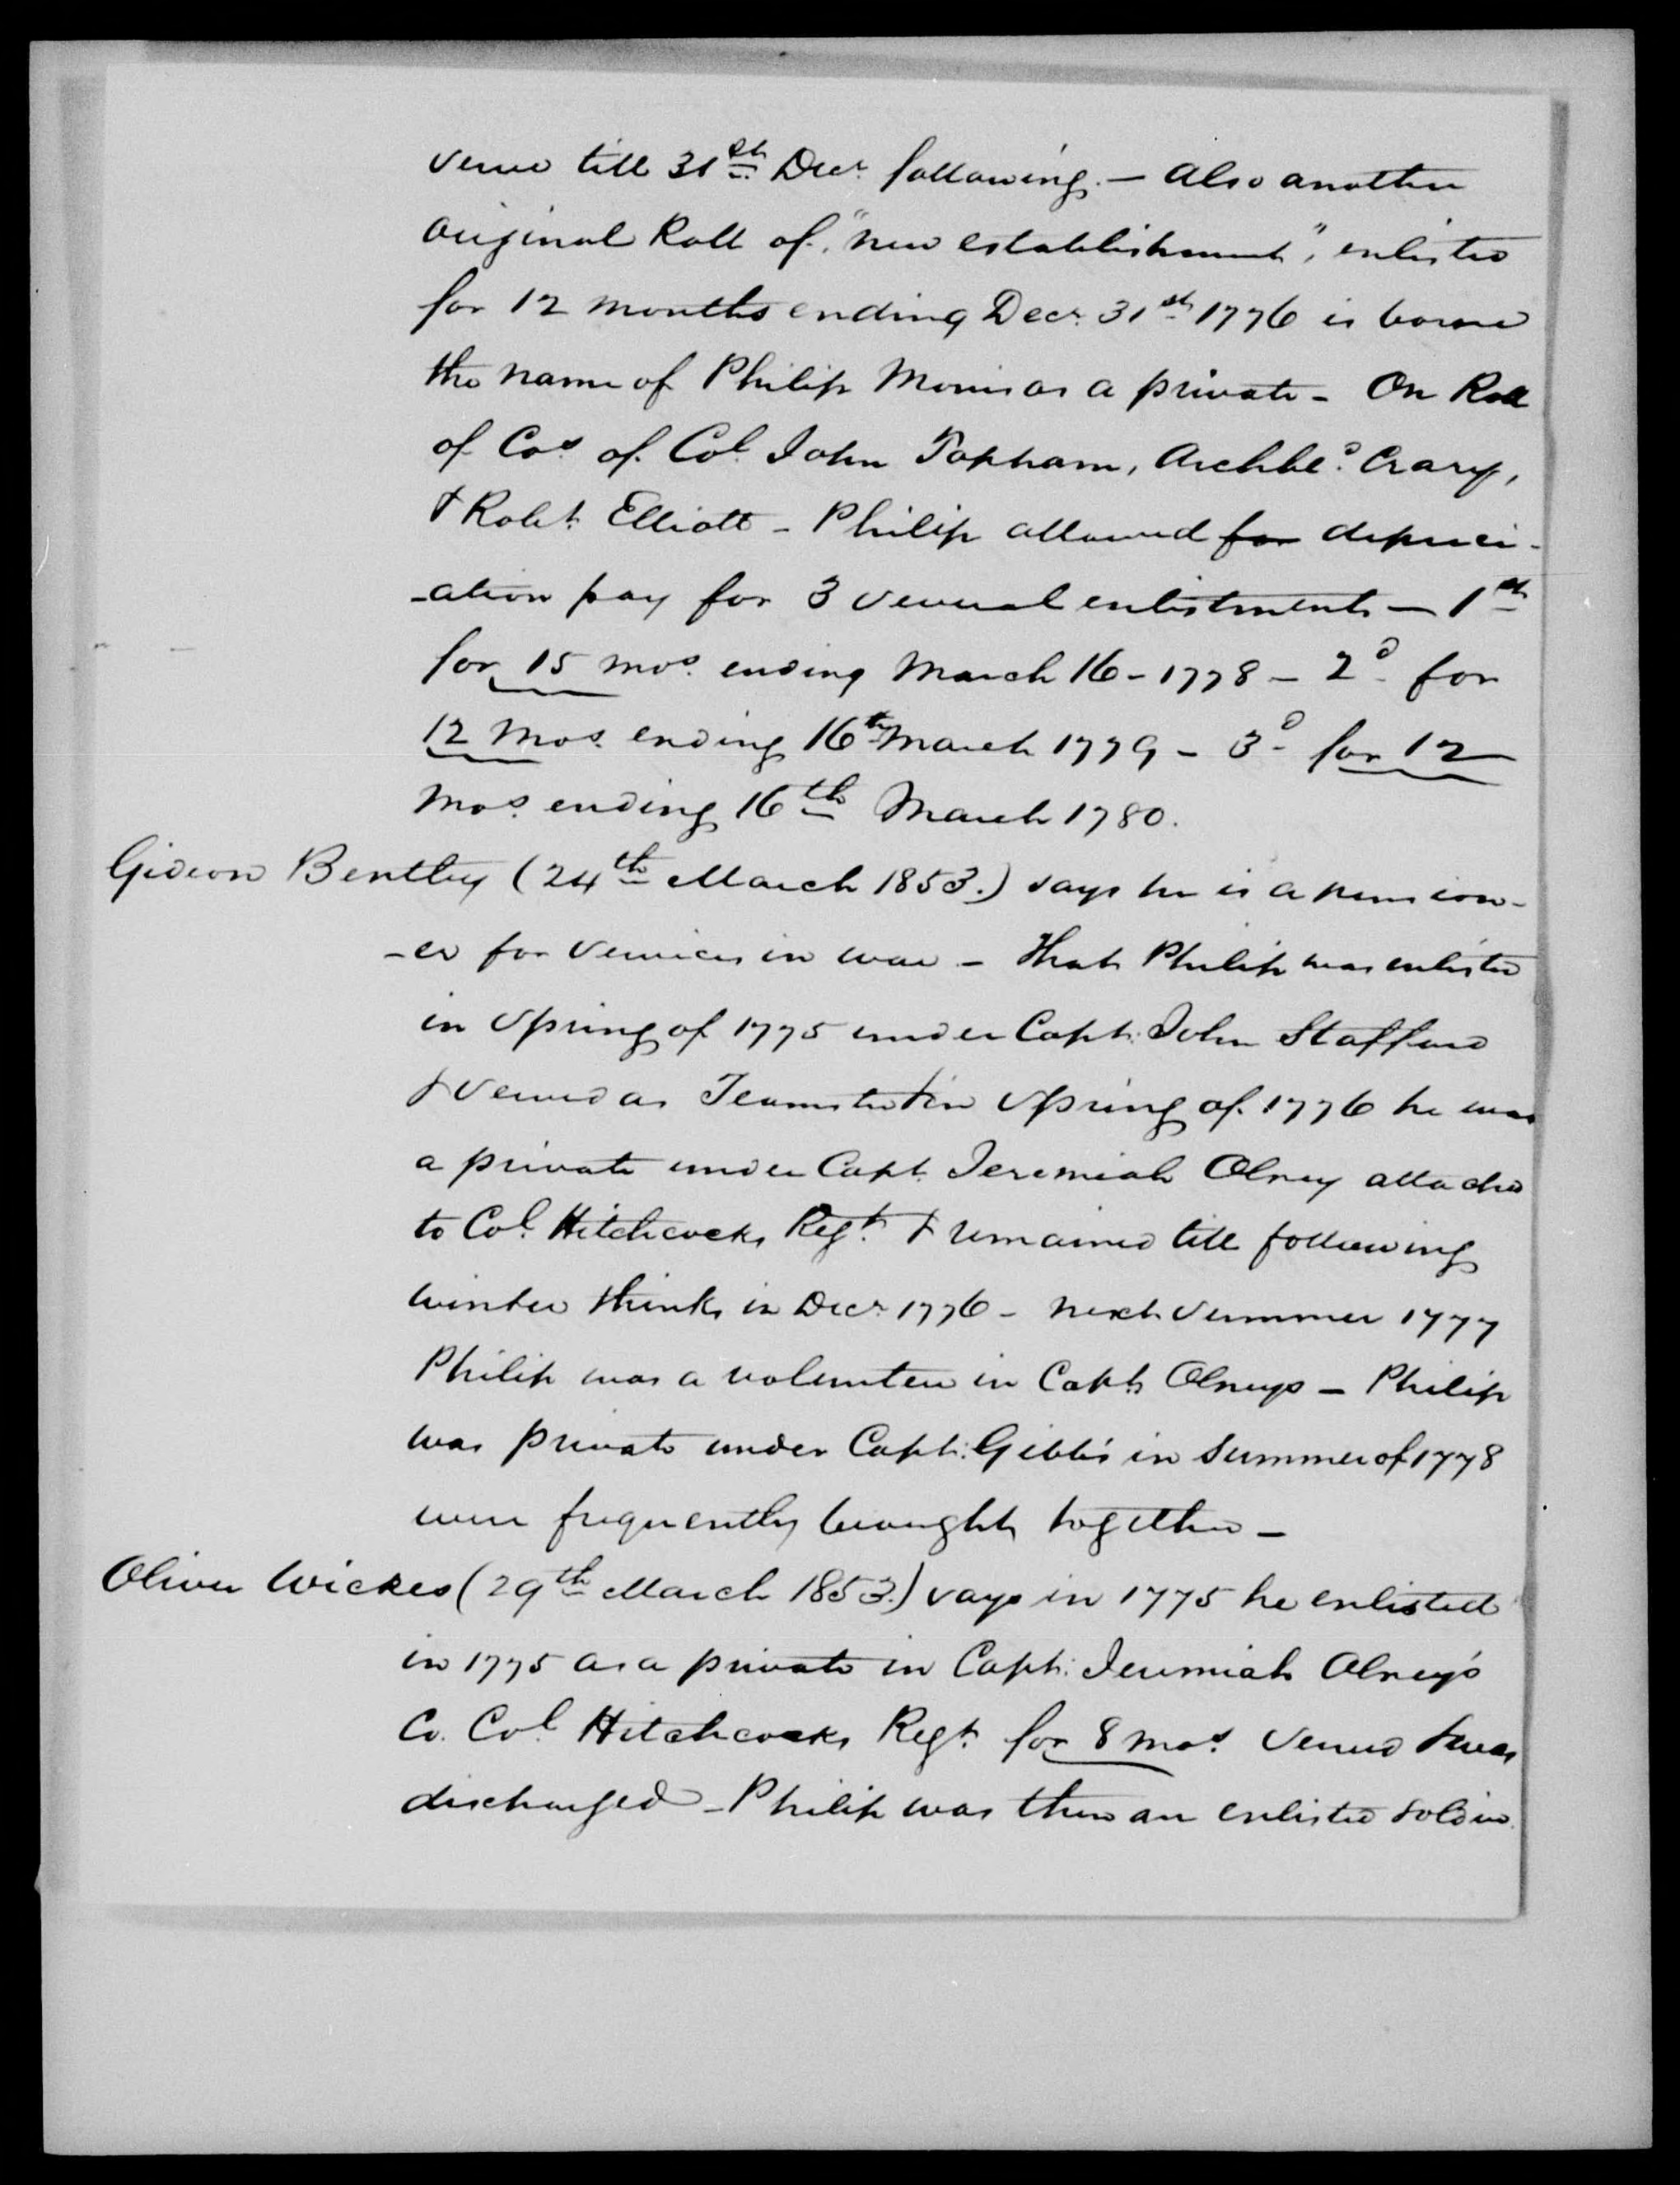serve till 31st Dec following -- also another original roll of "new establishment," enlisted for 12 months ending Dec 31st 1776  is borne the name of Philip Morris as a private. On Roll of Co. of Col. John Topham, Archbd. Crary, & Robt. Elliott - Philip allowed for depreciation pay for 3 general enlistments - 1st for 15 mos. ending March 16 - 1778 - 2nd for 12 mos. ending 16 March 1779 - 3rd for 12 mos. ending 16 March 1780.

Gideon Bentley (24th March 1853.) says he is a pensioner for services in war - That Philip was inlisted in Spring of 1775 under Capt. John Stafford & served as Teamster in spring of 1776 he was a private under Capt. Jeremiah Olney attached to Col. Hitchcocks Regt. & remained till following winter think in Dec 1776 - [illegible] Summer 1777 Philip was a volunteer in Capt. Olney's - Philip was private under Capt. Gibbs in Summer 1778 [illegible] frequently fought together - 

Oliver Wickes (29th March 1853.) says in 1775 he enlisted in 1775 as a private in Capt. Jeremiah Olney's Co. Col. Hitchcocks Regt. for 8 mos. served & was discharged - Philip was then an enlisted soldier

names: John Stafford; Gideon Bentley; Philip Morris; Archbld Crary; Robt Elliott; John Topham; Oliver Wickes; [BLANK] Gibbs; Jeremiah Olney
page: 42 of 44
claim: survivor's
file: S. 28,815, for Philip Morris, Rhode Island